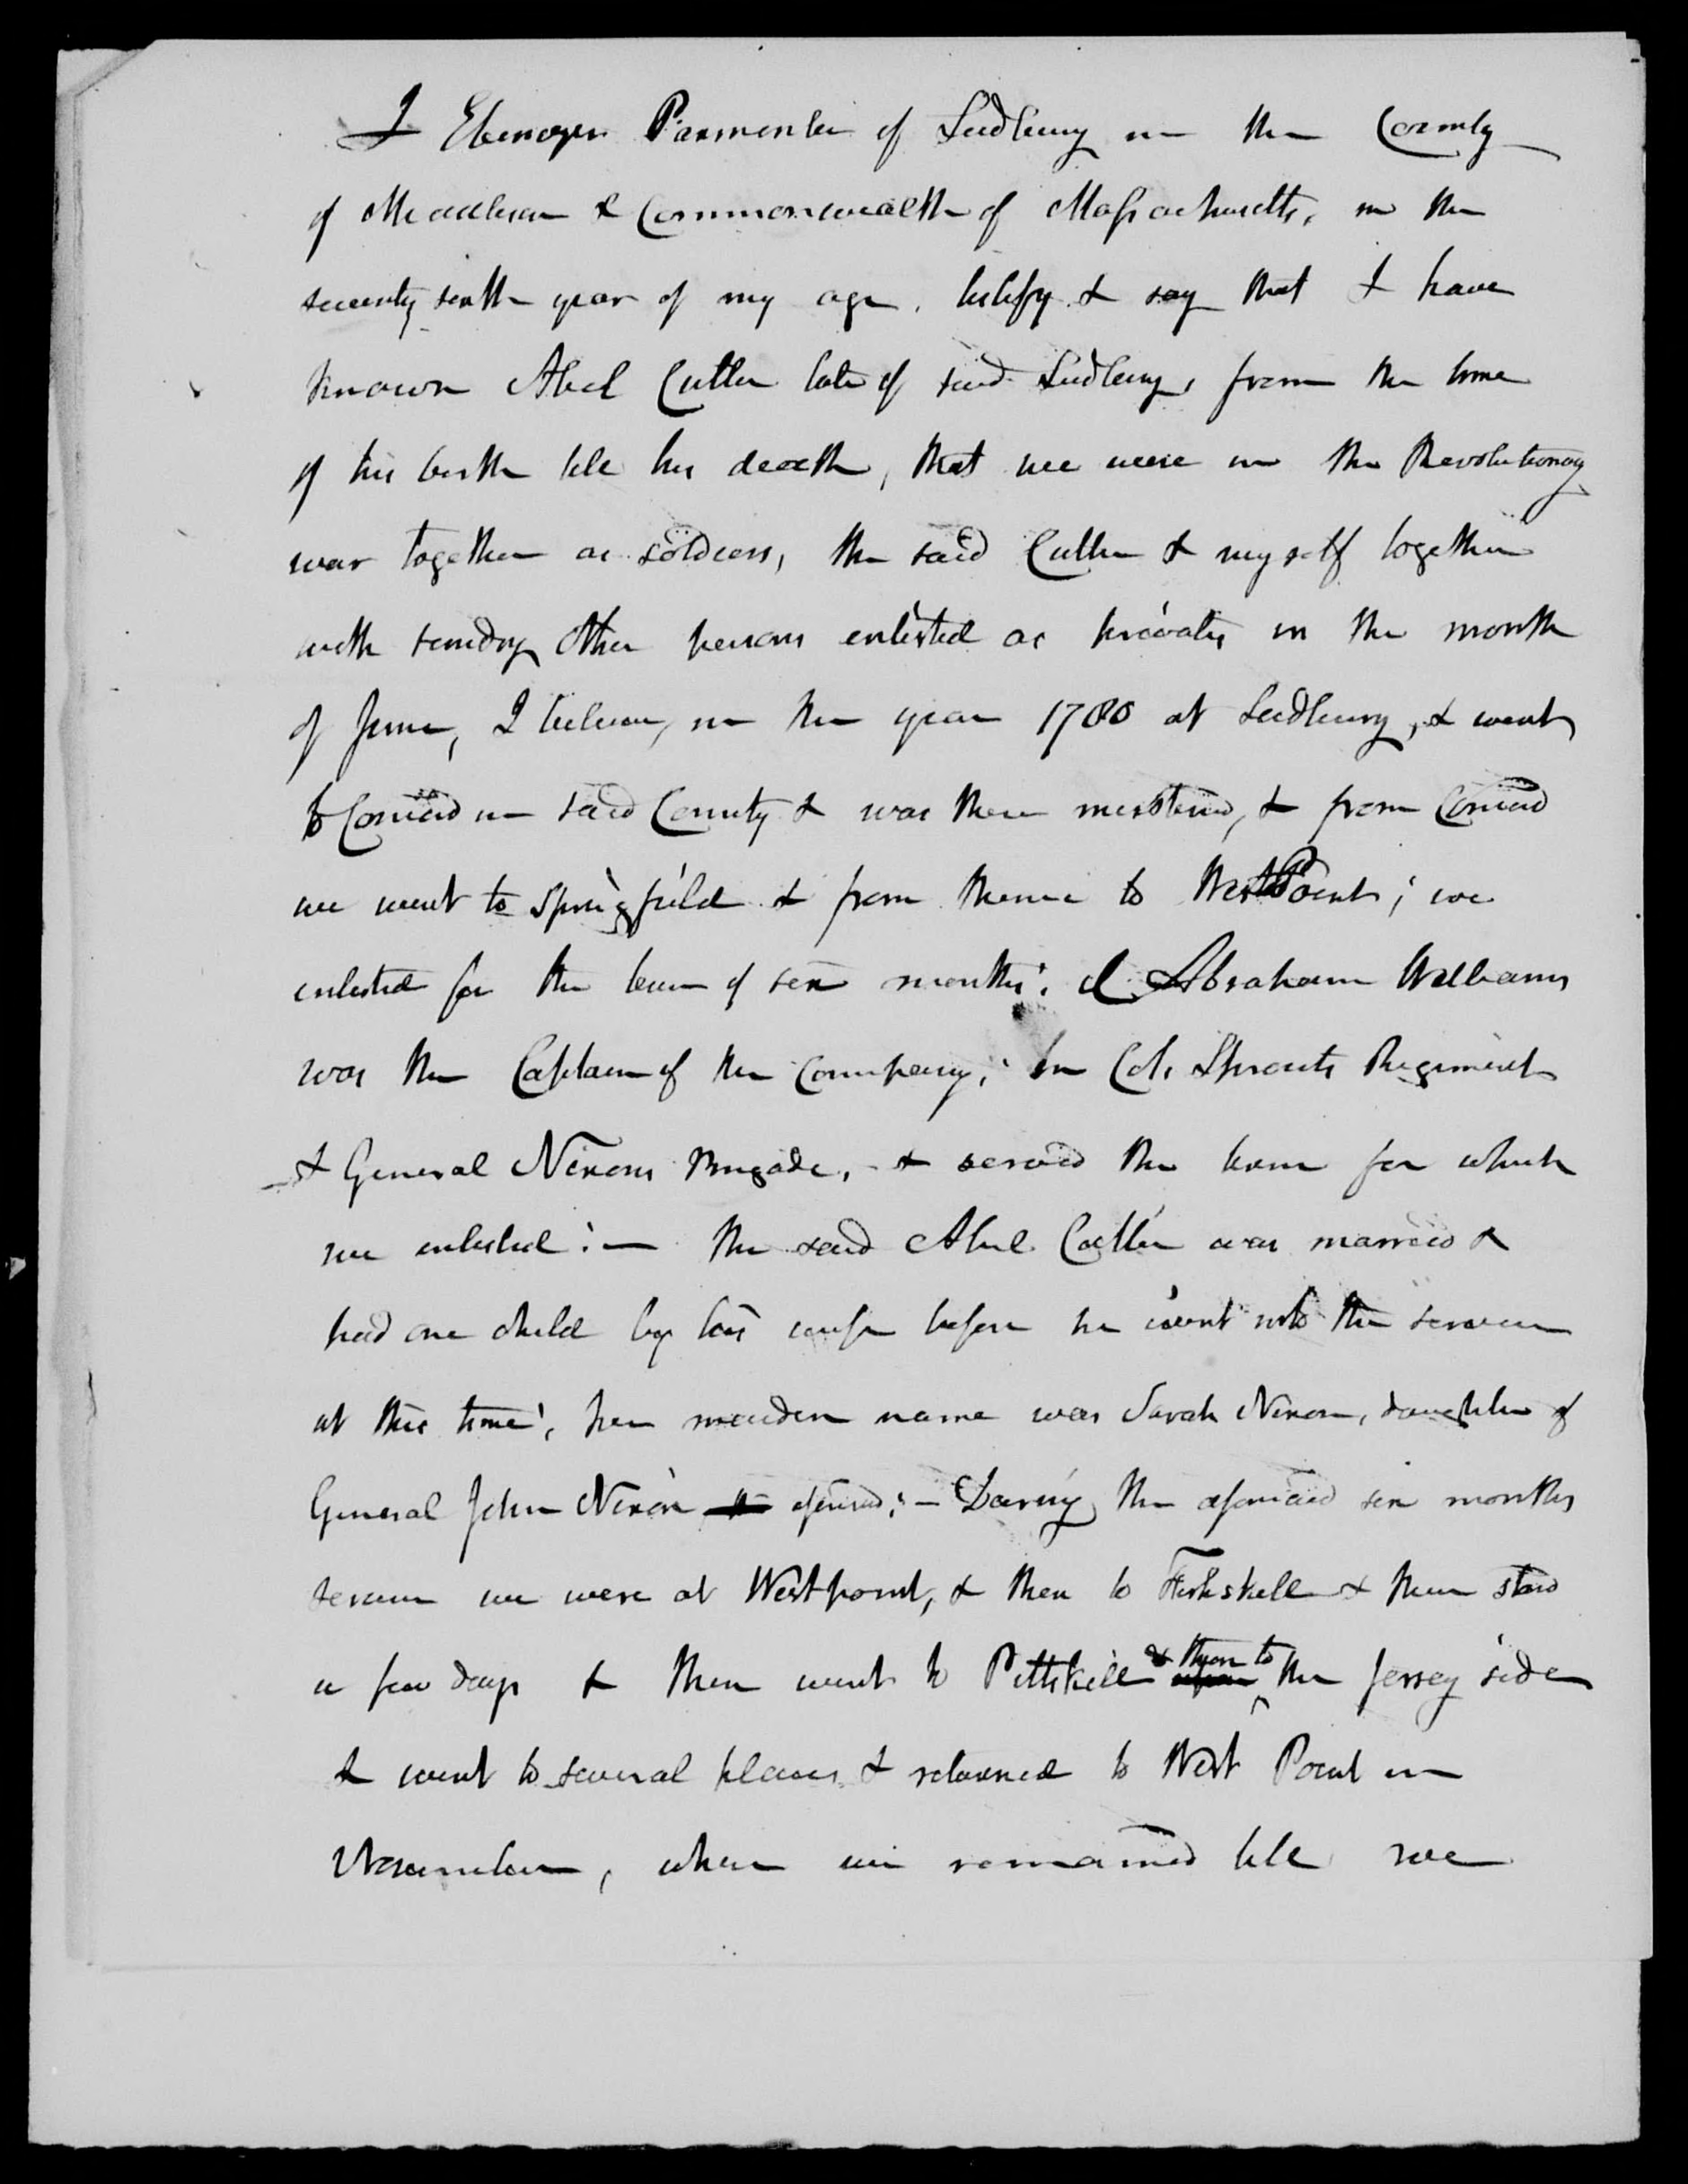I, Ebenezer Parmenter of Sudbury in the County of Middlesex and Commonwealth of Massachusetts in the 76th year of my age testify and say that I have known Abel Cutler late of said Sudbury from the time of his birth til his death, that we were in the Revolutionary war together as soldiers, that said Cutler and myself together with [illegible] other persons enlisted as privates in the month of June, I believe in the year 1780 at Sudbury and went to Concord in said County and was there mustered and from Concord we went to Springfield and from thence to West Point; we enlisted for the term of ten months; Abraham Welbann was the Captain of the company, Col. Sproutz Regiment and General Nixon's Brigade and served the term for which we enlisted:  The deceased Abel Cutler was married and had one child by his wife before he went into the service at the time: her maiden name was Sarah Nixon, daughter of General John Nixon [illegible] During the aforesaid ten months [illegible] we were at West Point and then to Fishkill and Newstead a few days and then went to Fishkill and them to the Jersey side and went to several places and returned to West Point in November, where we remained till we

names: Sarah Nixon, Abel Cutler, Abel Cutler, Cutler, Ebenezer Parmenter, John Nixon, Abraham Williams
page: 19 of 22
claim: widow's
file: W. 14,552, Abel Cutler, Mass.